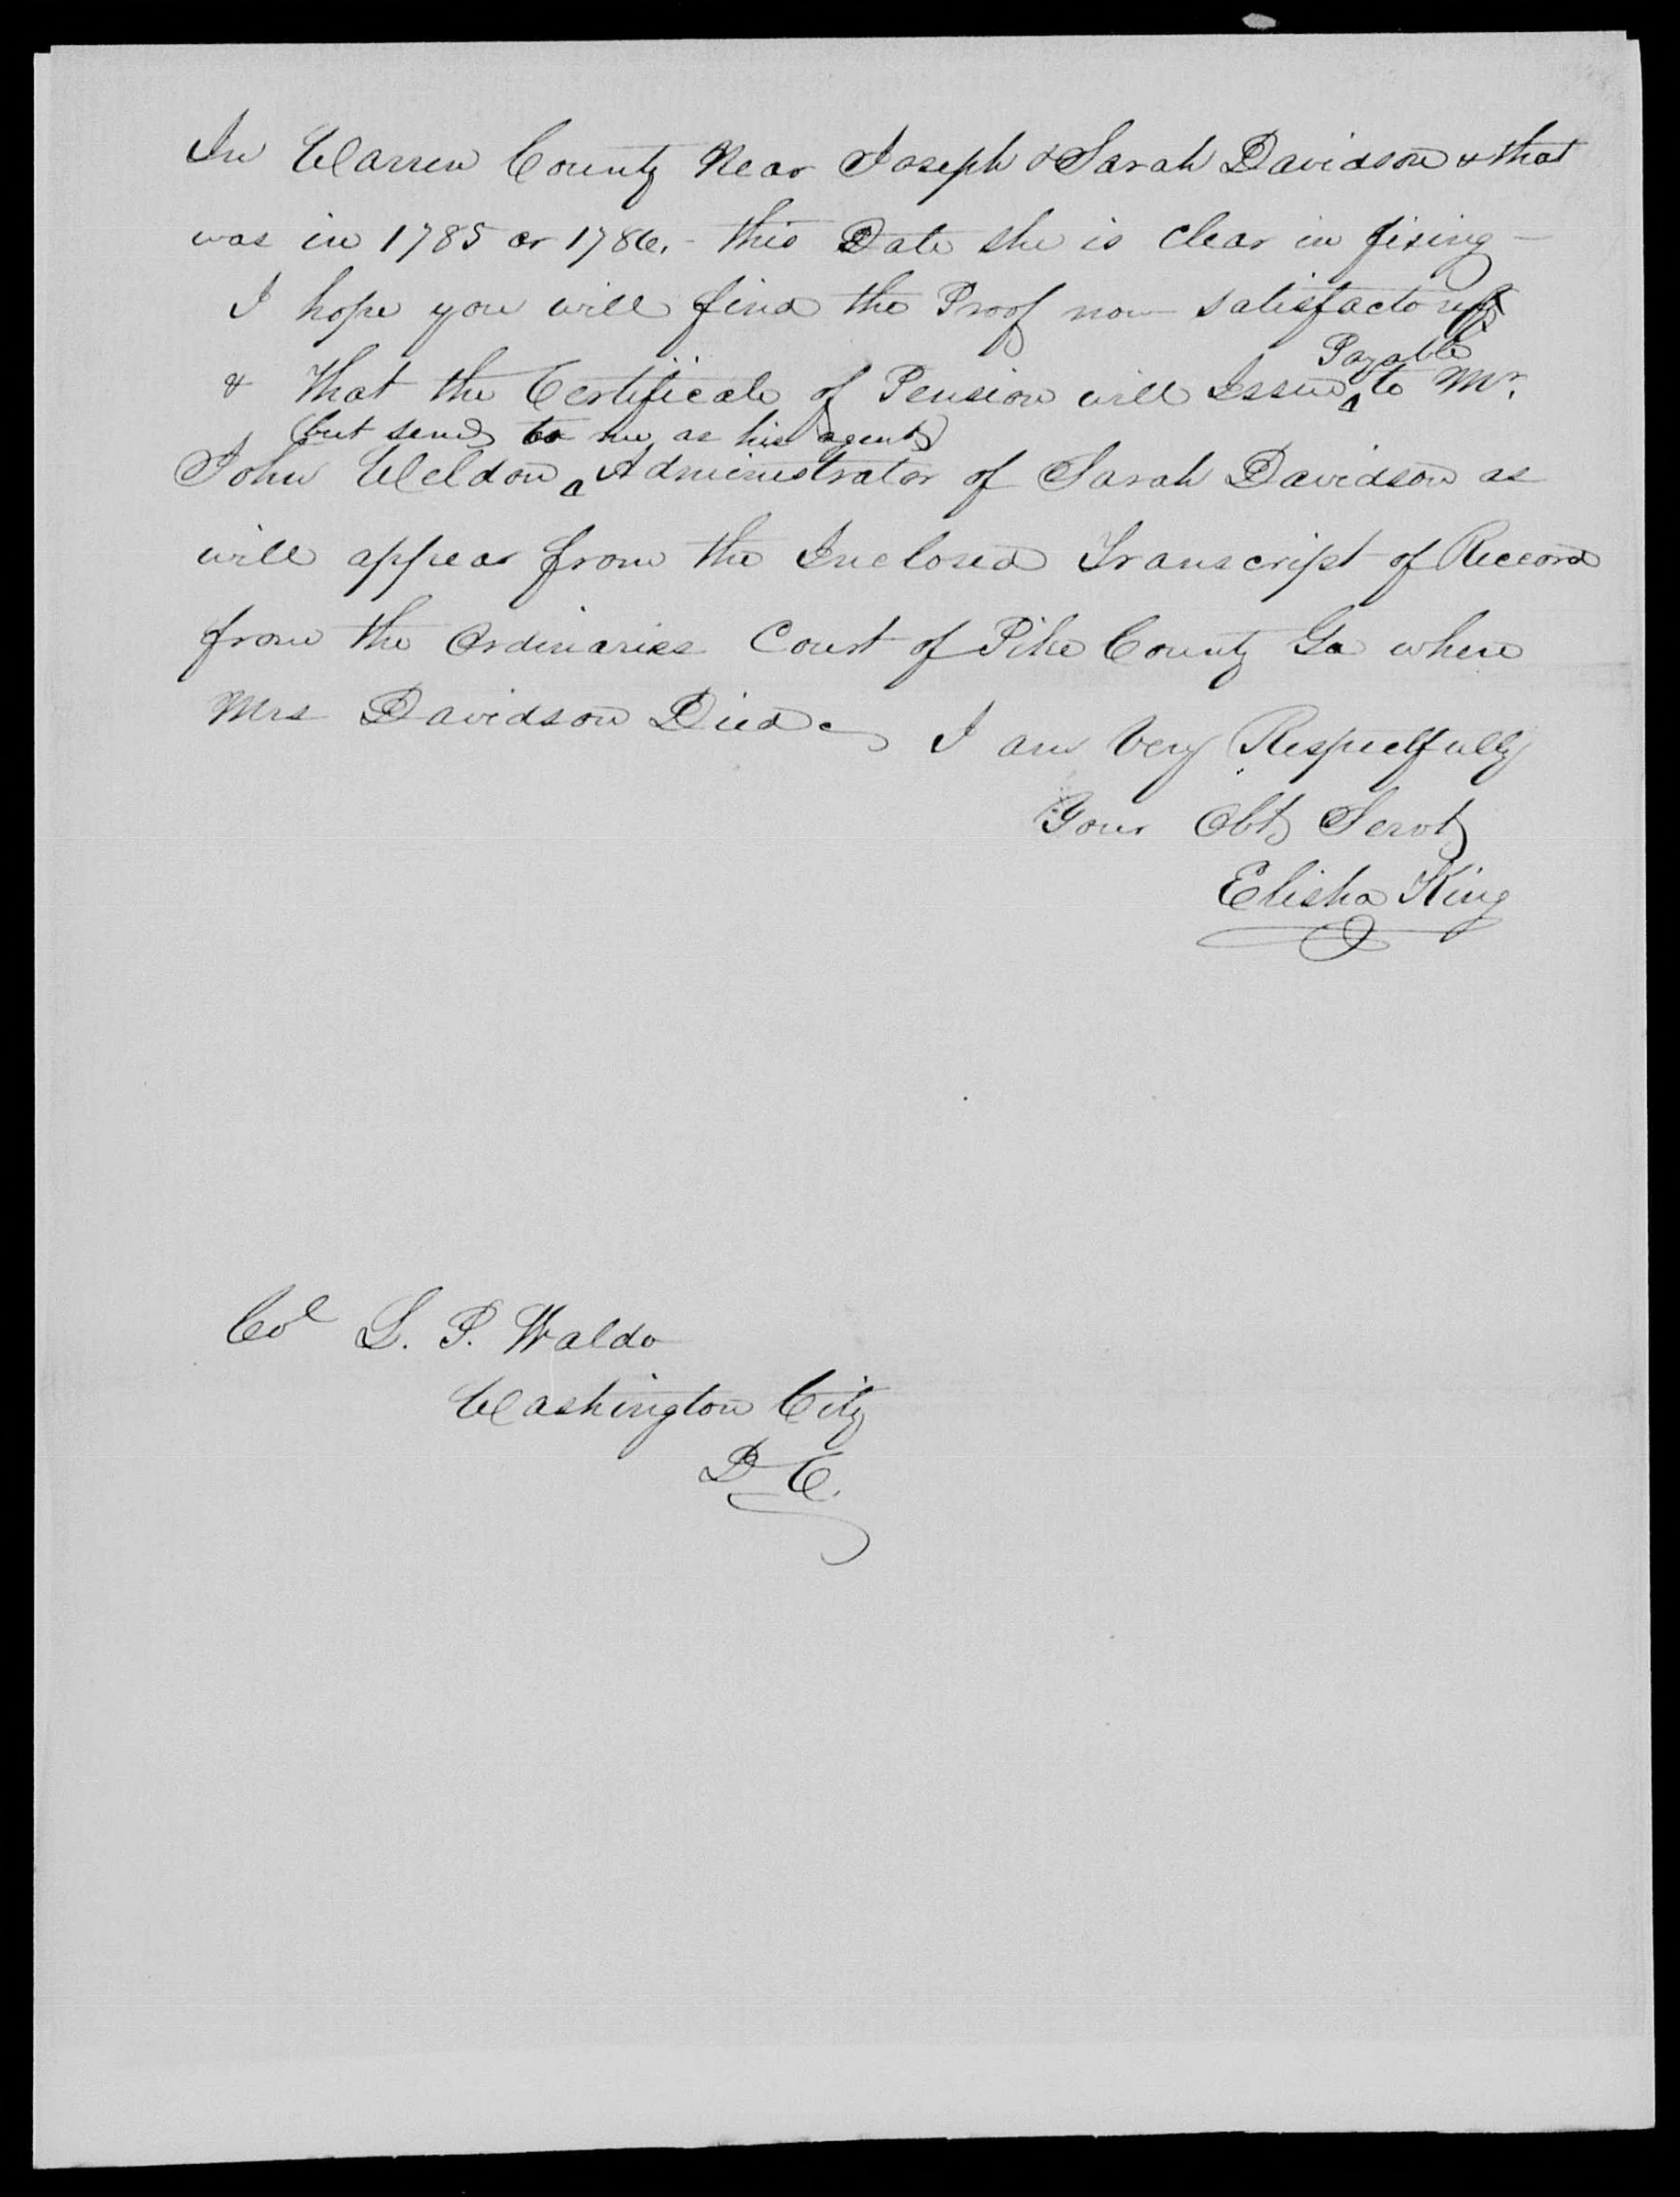In Warren County near Joseph & Sarah Davidson & that was in 1785 or 1786, this date she is clear in fixing I hope you will find the proof now satisfactory that the Certificate of Pension will see Mr but send to me as his agent John Weldon Administrator of Sarah Davidson as will appear from the Enclosed Transcript of Record from the Ordinaries Court of Pike County Ga where Mrs Davidson Died
I am Very Respectfully
Your Obt Servt
Elisha King
Col L. P. Waldo
Washington City
D.C.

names: Sarah Davidson, Elisha King, L P Waldo, Davidson, John Weldon, Joseph Davidson, Sarah Davidson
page: 38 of 63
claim: widow's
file: W. 4175, Joseph Davidson, N.C.